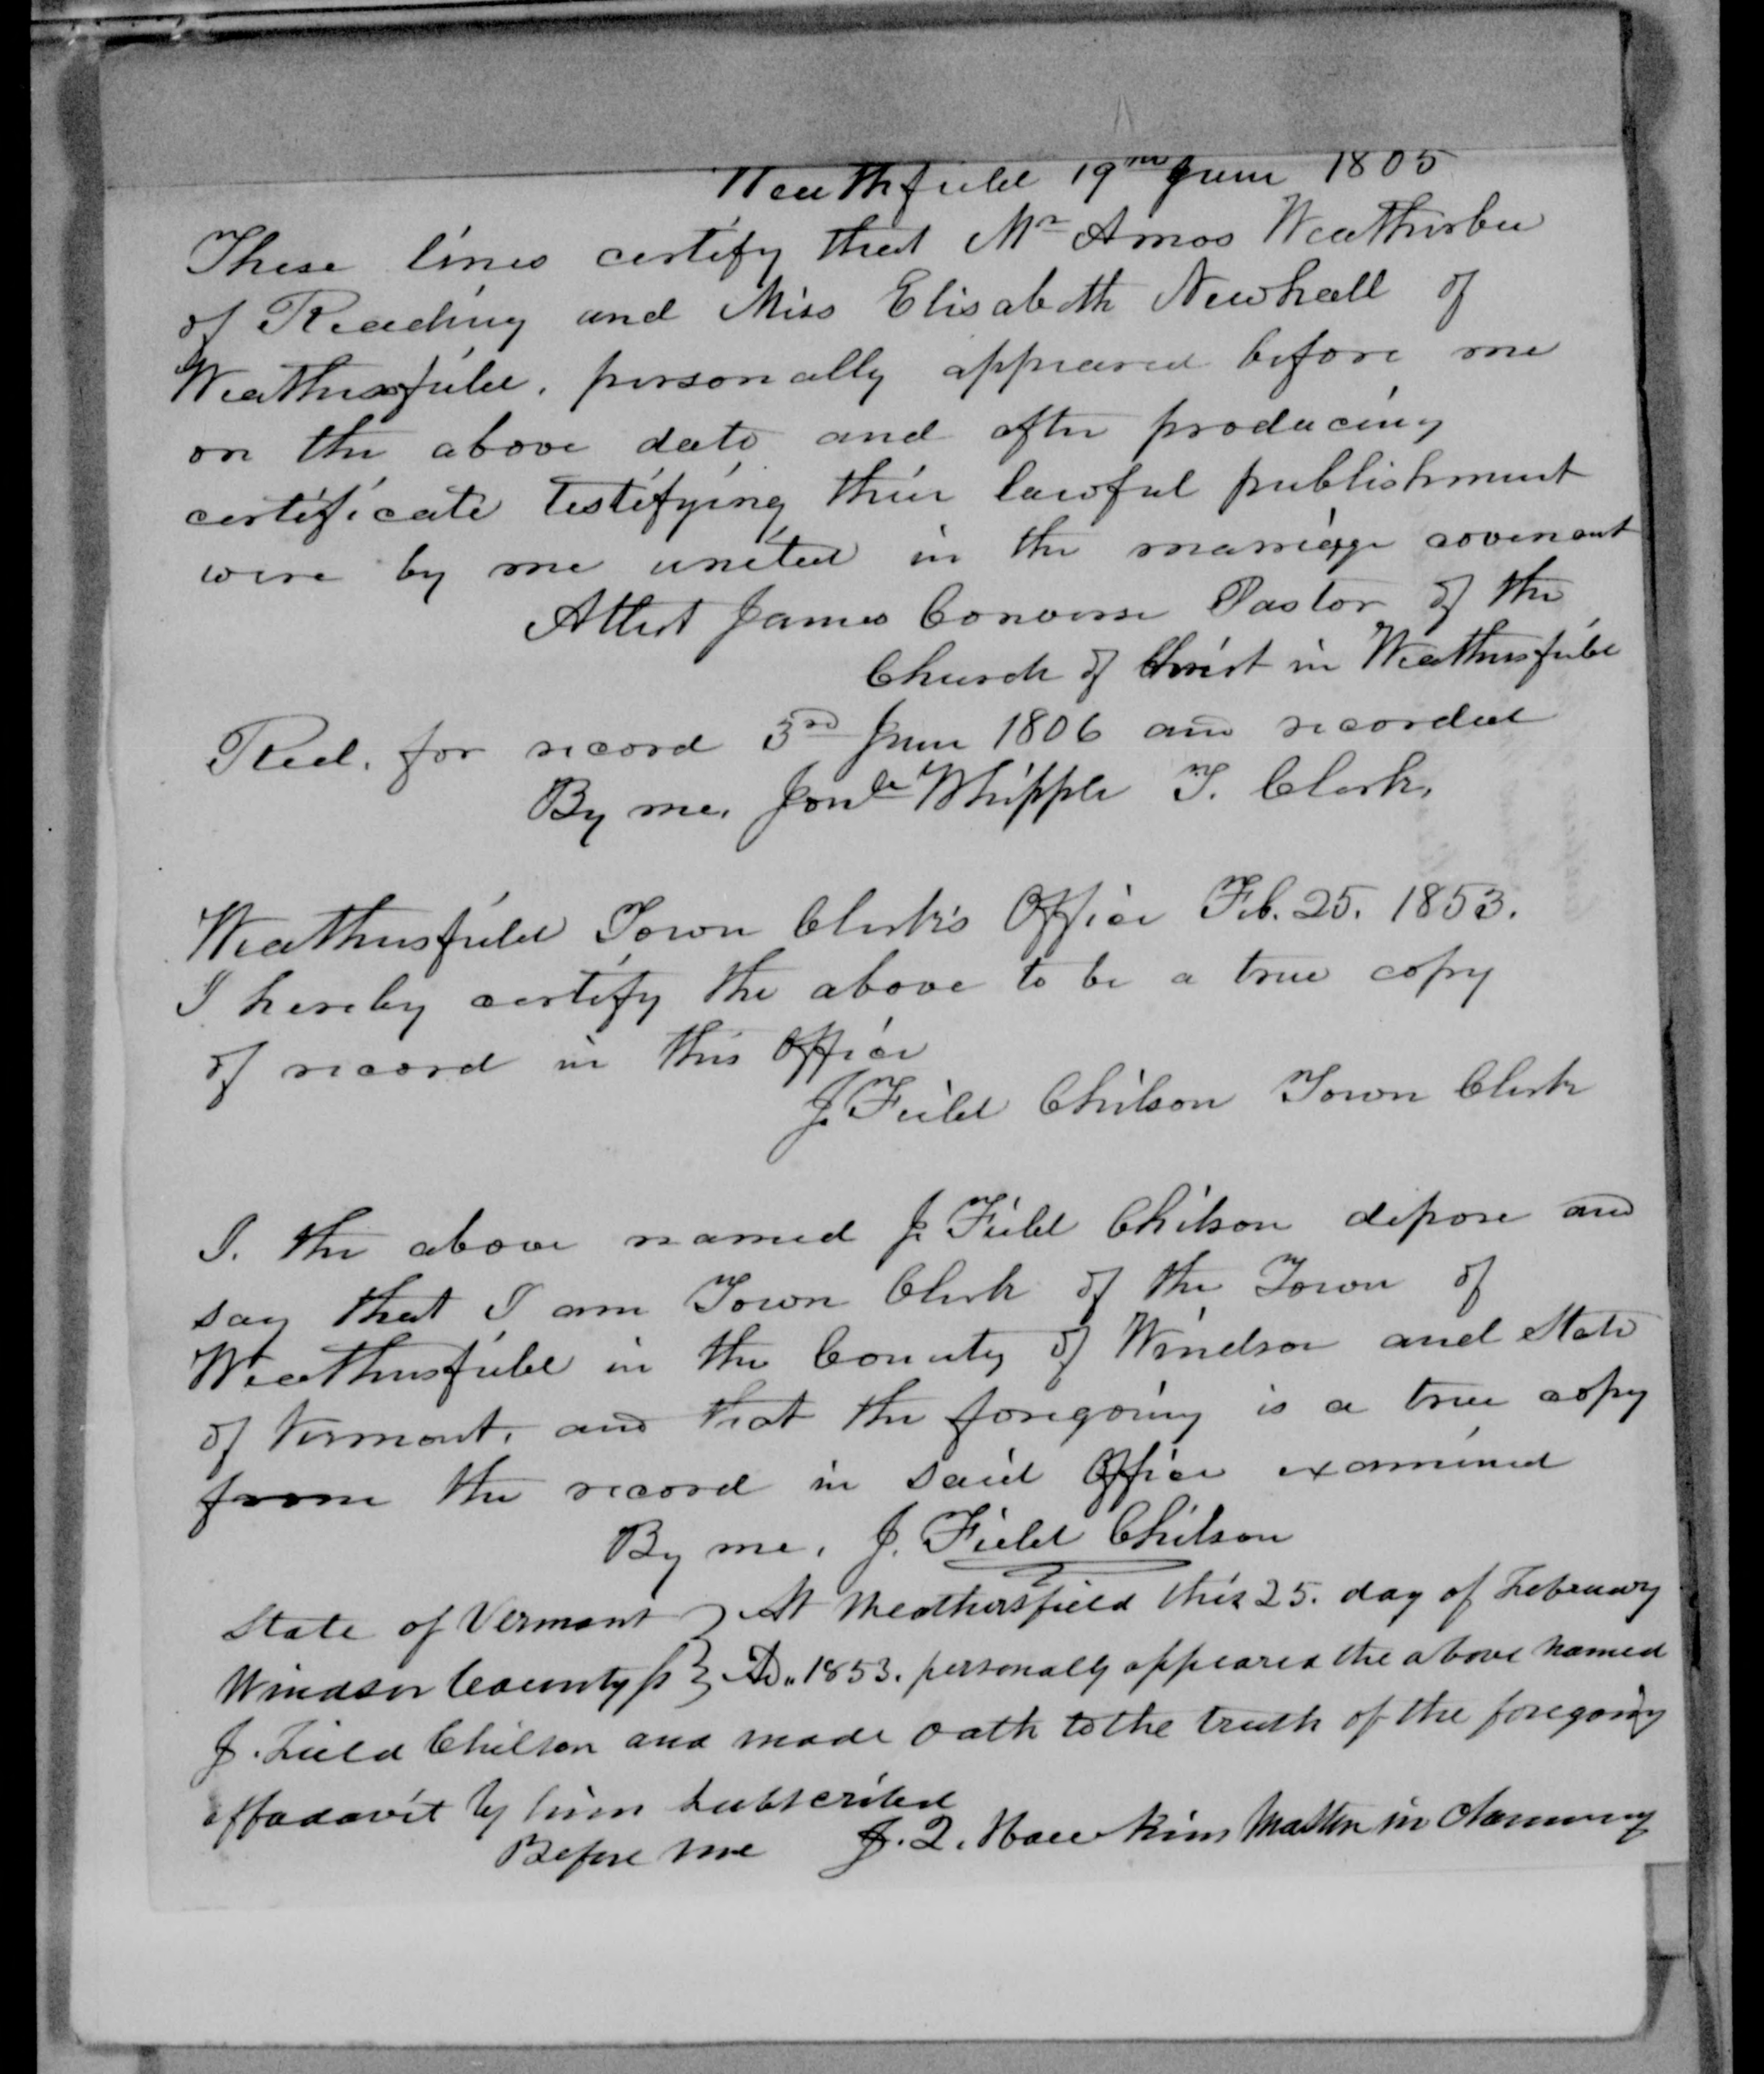Weathfield 19th June 1805
These lines certify that Mr. Amos Weatherbee of Reading and Miss Elisabeth Newhall of Weathersfield, personally appeared before me on the above date and after producing certificate testifying their lawful publishment were by me united in the marriage covenant.
Attest James Converse Pastor of the Church of Christ in Weathersfield
Rec'd for record 3rd June 1806 and recorded by me Jonth. Whipple T. Clerk

Weathersfield Town Clerk's Office Feb. 25, 1853
I hereby certify the above to be a true copy of record in this office.
J. Field Chilson Town Clerk.

I the above named J. Field Chilson depose and say that I am Town Clerk of the Town of Weathersfield in the County of Windsor and State of Vermont, and that the foregoing is a true copy from the record in said office examined by me. J. Field Chilson.

State of Vermont
Windsor County ss  
At Weathersfield this 25 day of February A. D. 1853 personally appeared the above named J. Field Chilson and made oath to the truth of the foregoing affadavit by him subscribed.
Before me, J. Q. Hawkins, Master in Chancery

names: James Converse, Amos Weatherbee, Jonn Whipple, J Field Chilson, Elisabeth Newhall, J Q Hawkins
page: 16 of 66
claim: widow's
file: W. 2468, Amos Wetherbee, Mass.